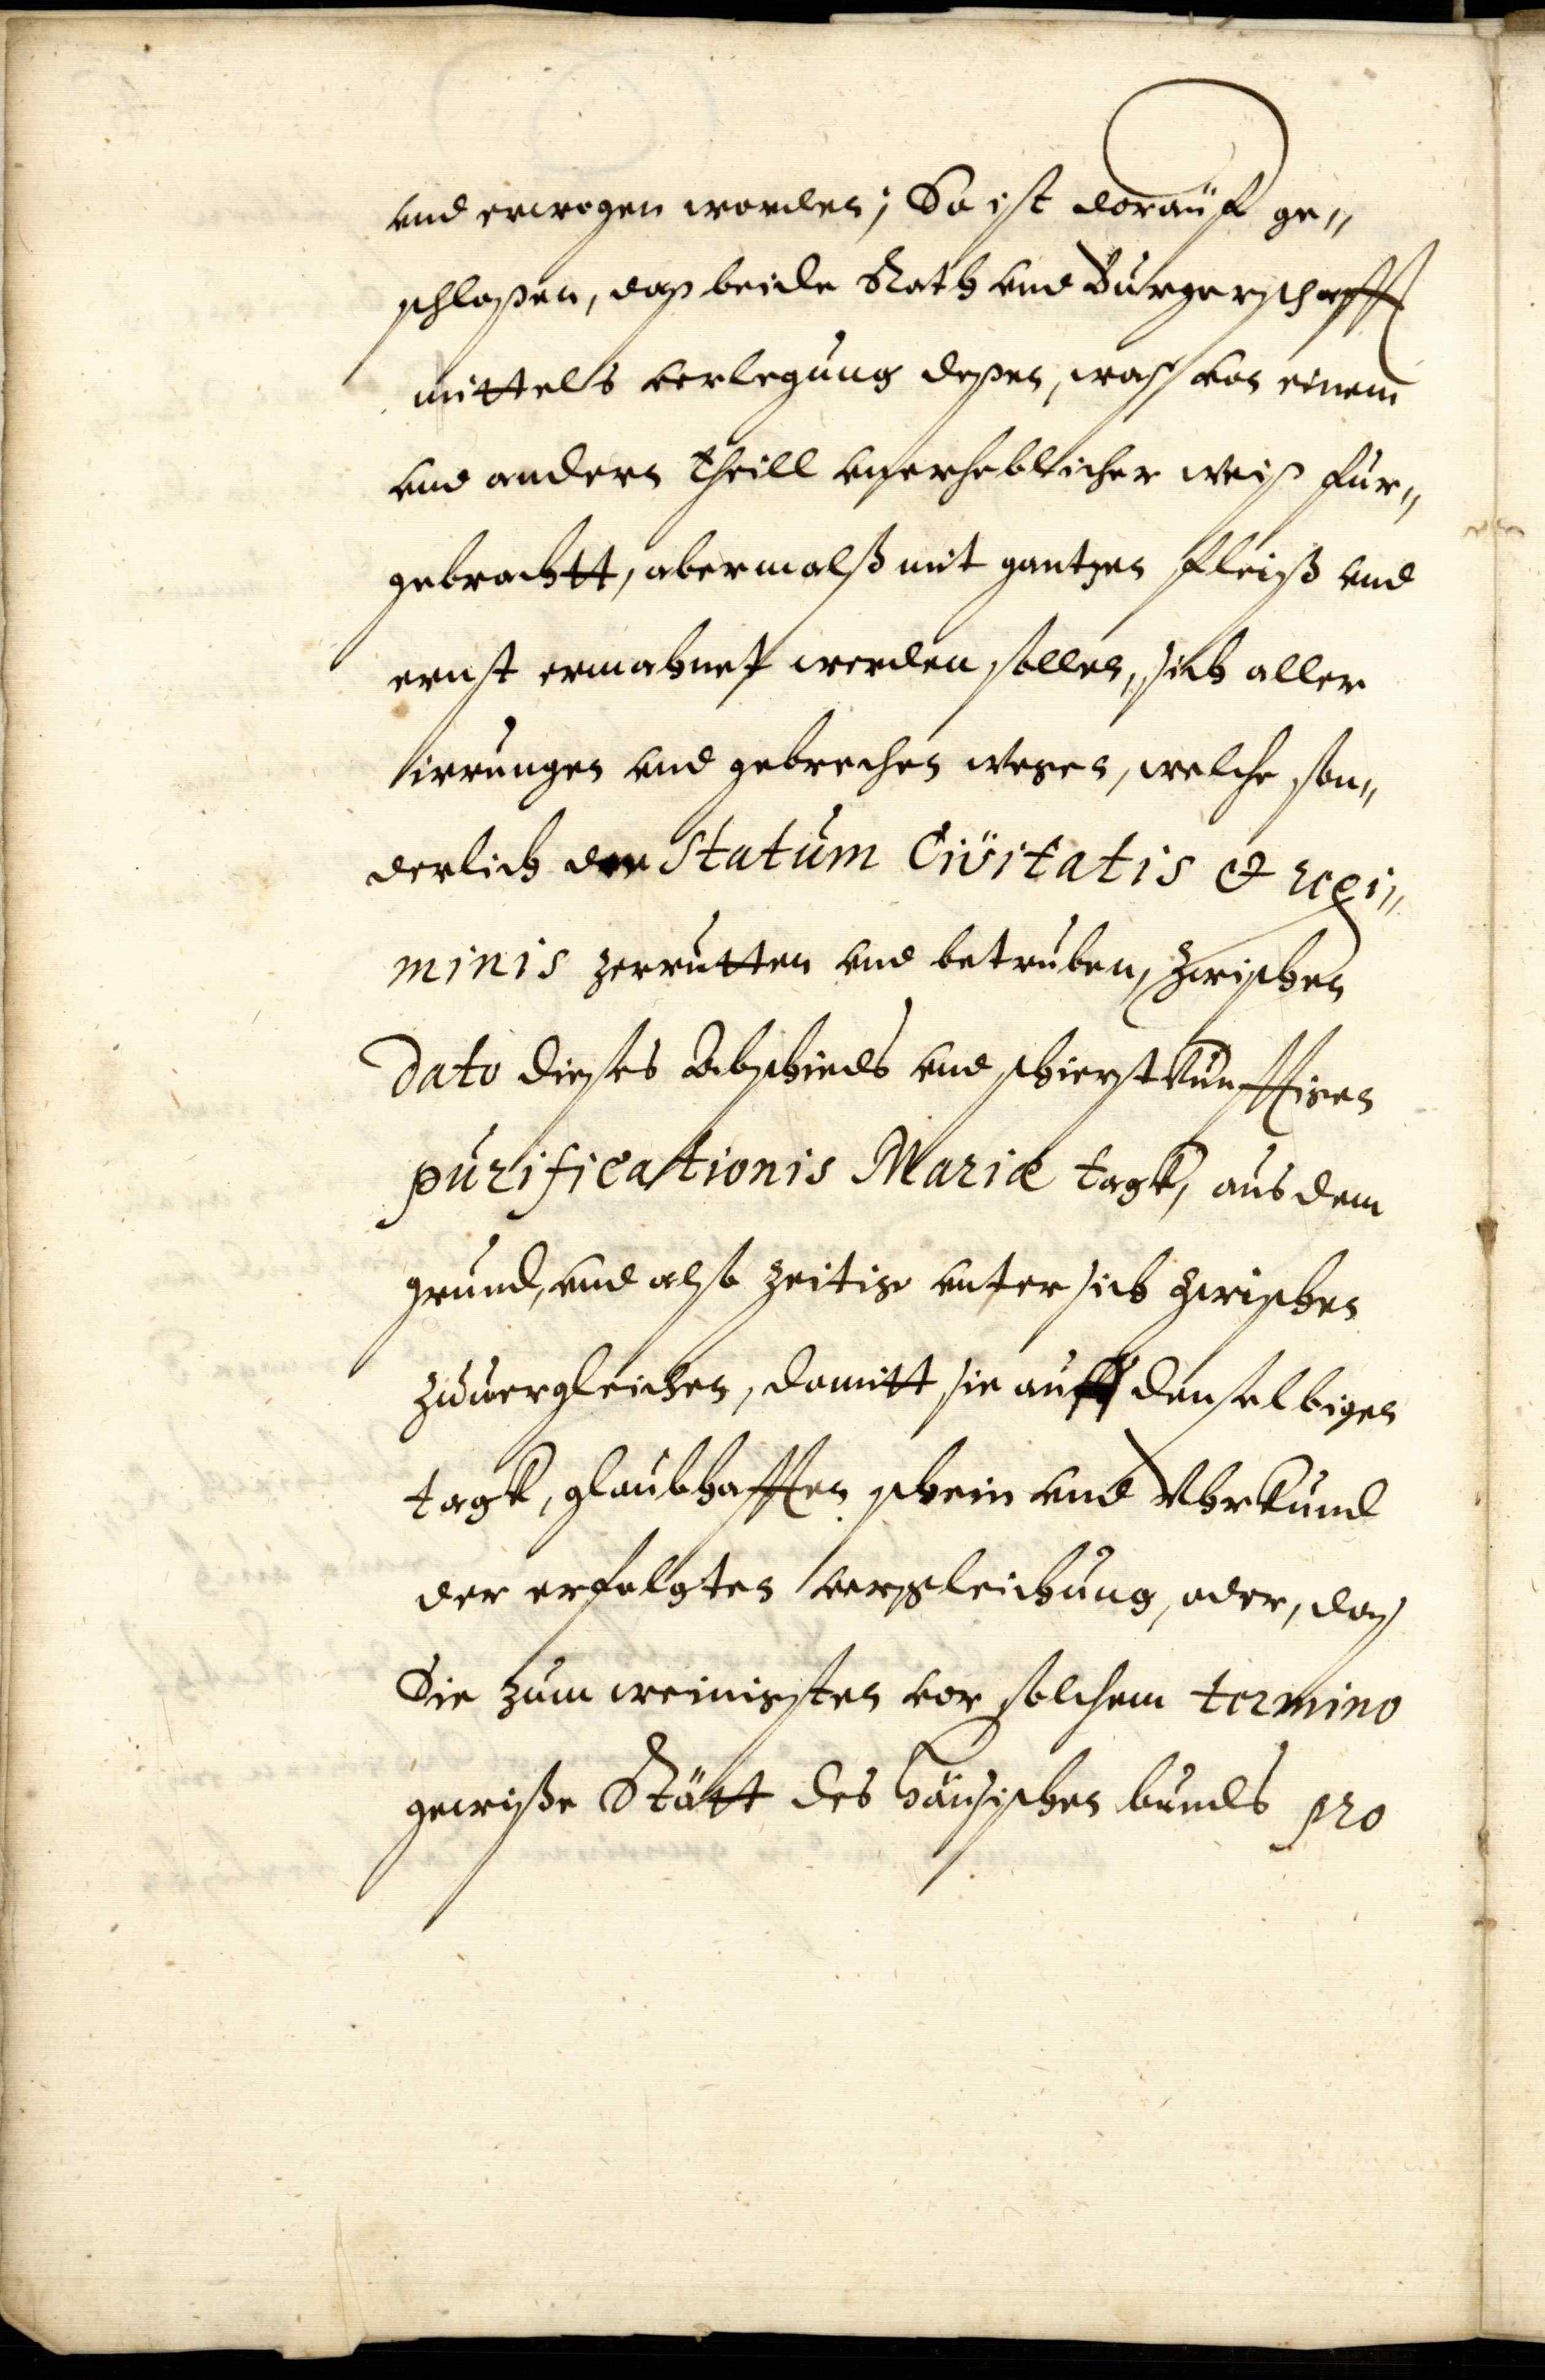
vnd erwogen worden; So ist dorauf ge
schloßen, daß beide Rath vnd Burgerschafft
mittels verlegung deßen, waß von einem
vnd andern theill vnerheblicher weiß fur¬
gebrachtt, abermalß mit gantzen fleiß vnd
ernst ermahnet werden sollen, sich aller
irrungen vnd gebrechen wegen, welche son¬
derlich den statum Civitatis et regi¬
minis zerrutten vnd betruben, zwischen
dato dieses Abschieds vnd schierstkunfftigen
purificationis Mariae tagk, aus dem
grund, vnd also zeitige vnter sich zwischen
zuuergleichen, damitt sie auff denselbigen
tagk, glaubhafften schein vnd Vhrkund
der erfolgten vergleichung, oder, daß
Sie zum weinigsten vor solchem termino
gewiße Stätt des Hänsischen bunds pro
